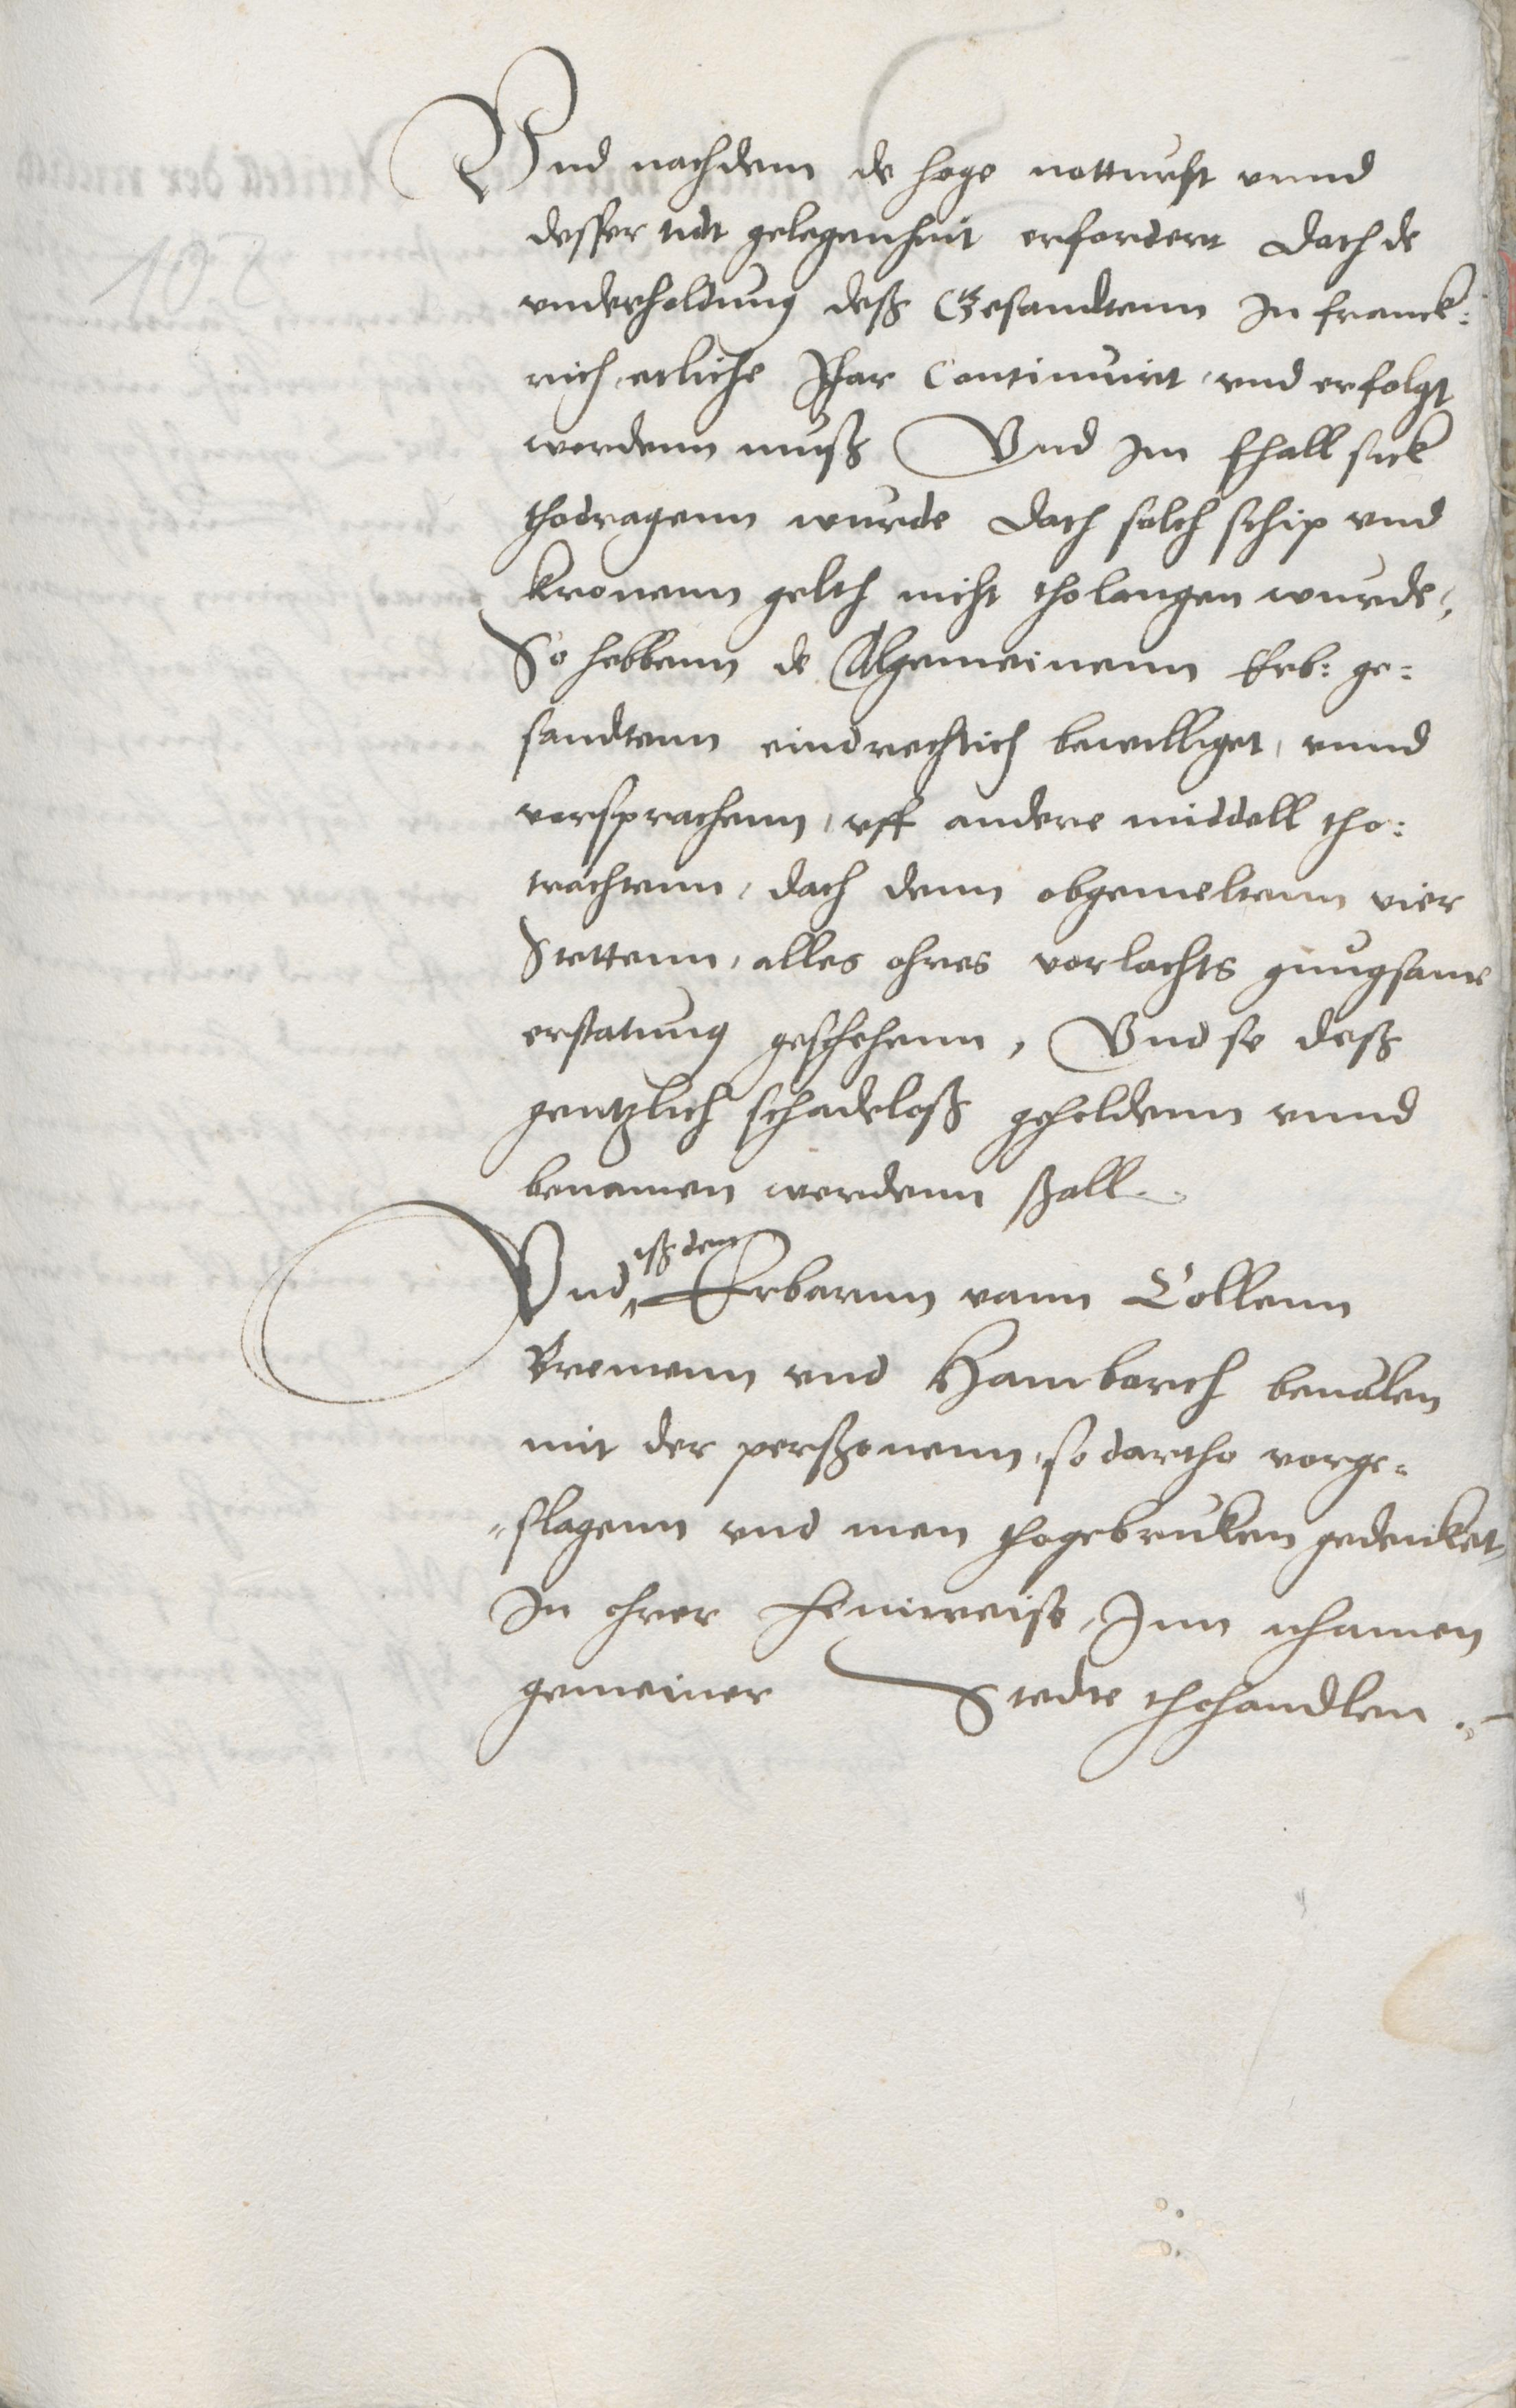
Vnd nachdem de hoge notturft vnnd
desser tidt gelegenheit erfordert Dath de
vnderholdung deß Gesandtenn jn franck¬
rich, etliche jhar continuirt, vnd erfolgt
werdenn muß Vnd jm fhall sick
thodragenn wurde Dath solch schip vnd
Kronenn gelth nicht tholangen wurde,
So hebbenn de Algemeinenn Erb: ge¬
sandtenn eindrechtich bewilliget, vnnd
vorsprachenn, vff andere middell tho¬
trachtenn, dath denn obgemeltenn vier
Stettenn, alles ohres vorlachts gnugsame
erstatung geschehenn, Vnd se deß
gentzlich schadeloß geholdenn vnnd
benamen werdenn ßall.
iß den
Vnd ^ Erbarnn vann Collenn
Bremenn vnd Hamborch beualen
mit der perßonenn, so dartho vorge¬
slagenn vnd men thogebruken gedenket
jn ohrer heimreise, jnn nhamen
gemeiner Stedte thohandlen.
